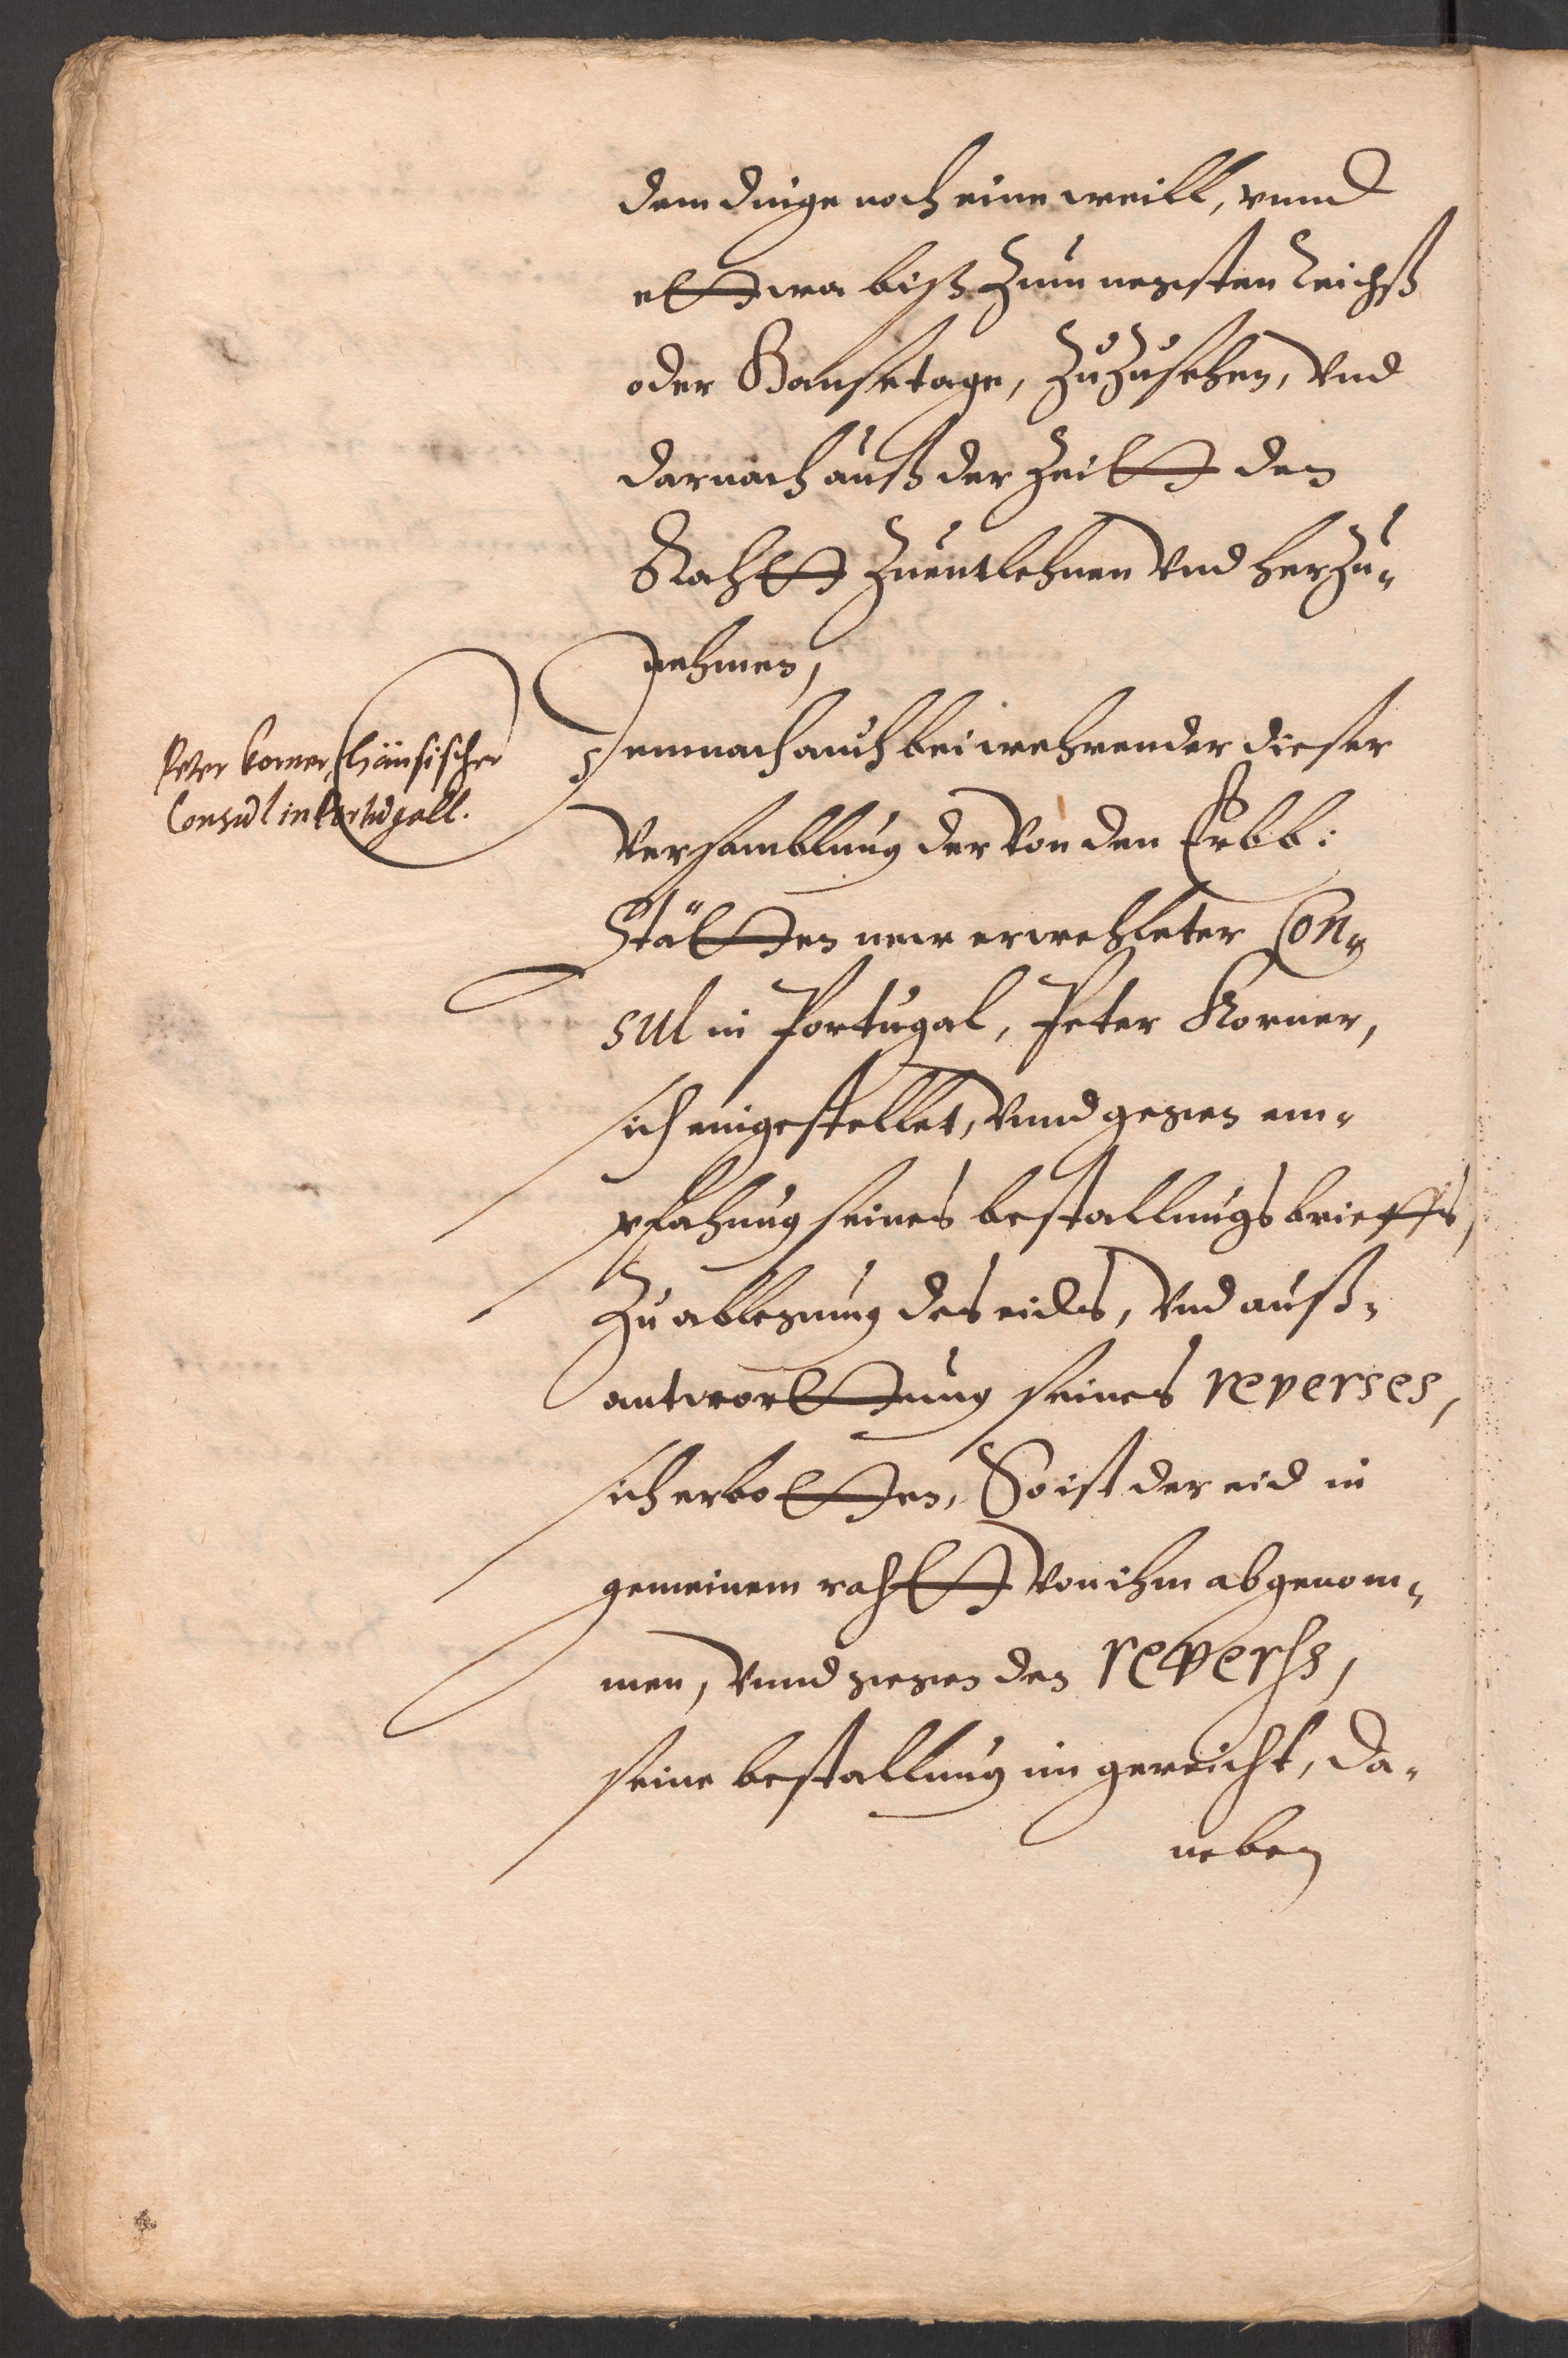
dem dinge noch eine weill, vnnd
ettwa biß zum ersten Reichß
oder Hansetage, zuzusehen, vnd
darnach auß der zeitt den
Rahtt zuentlehnen vnd herzu¬
nehmen,
Demnach auch bei wehrender dieser
versamblung der von den Erbb:
Stätten new erwehleter Con¬
sul in Portugal, Peter Korner,
sich eingestellet, vnd gegen em¬
pfahung seines bestallungs brieffs,
zu ablegung des eids, vnd auß¬
antworttung seines reverses,
sich erbotten, So ist der eid in
gemeinem rathh von ihm abgenom¬
men, vnnd gegen den reverss,
seine bestallung im gereicht, da¬
neben
Peter korner, hänsischer
Consul in Portugall.
